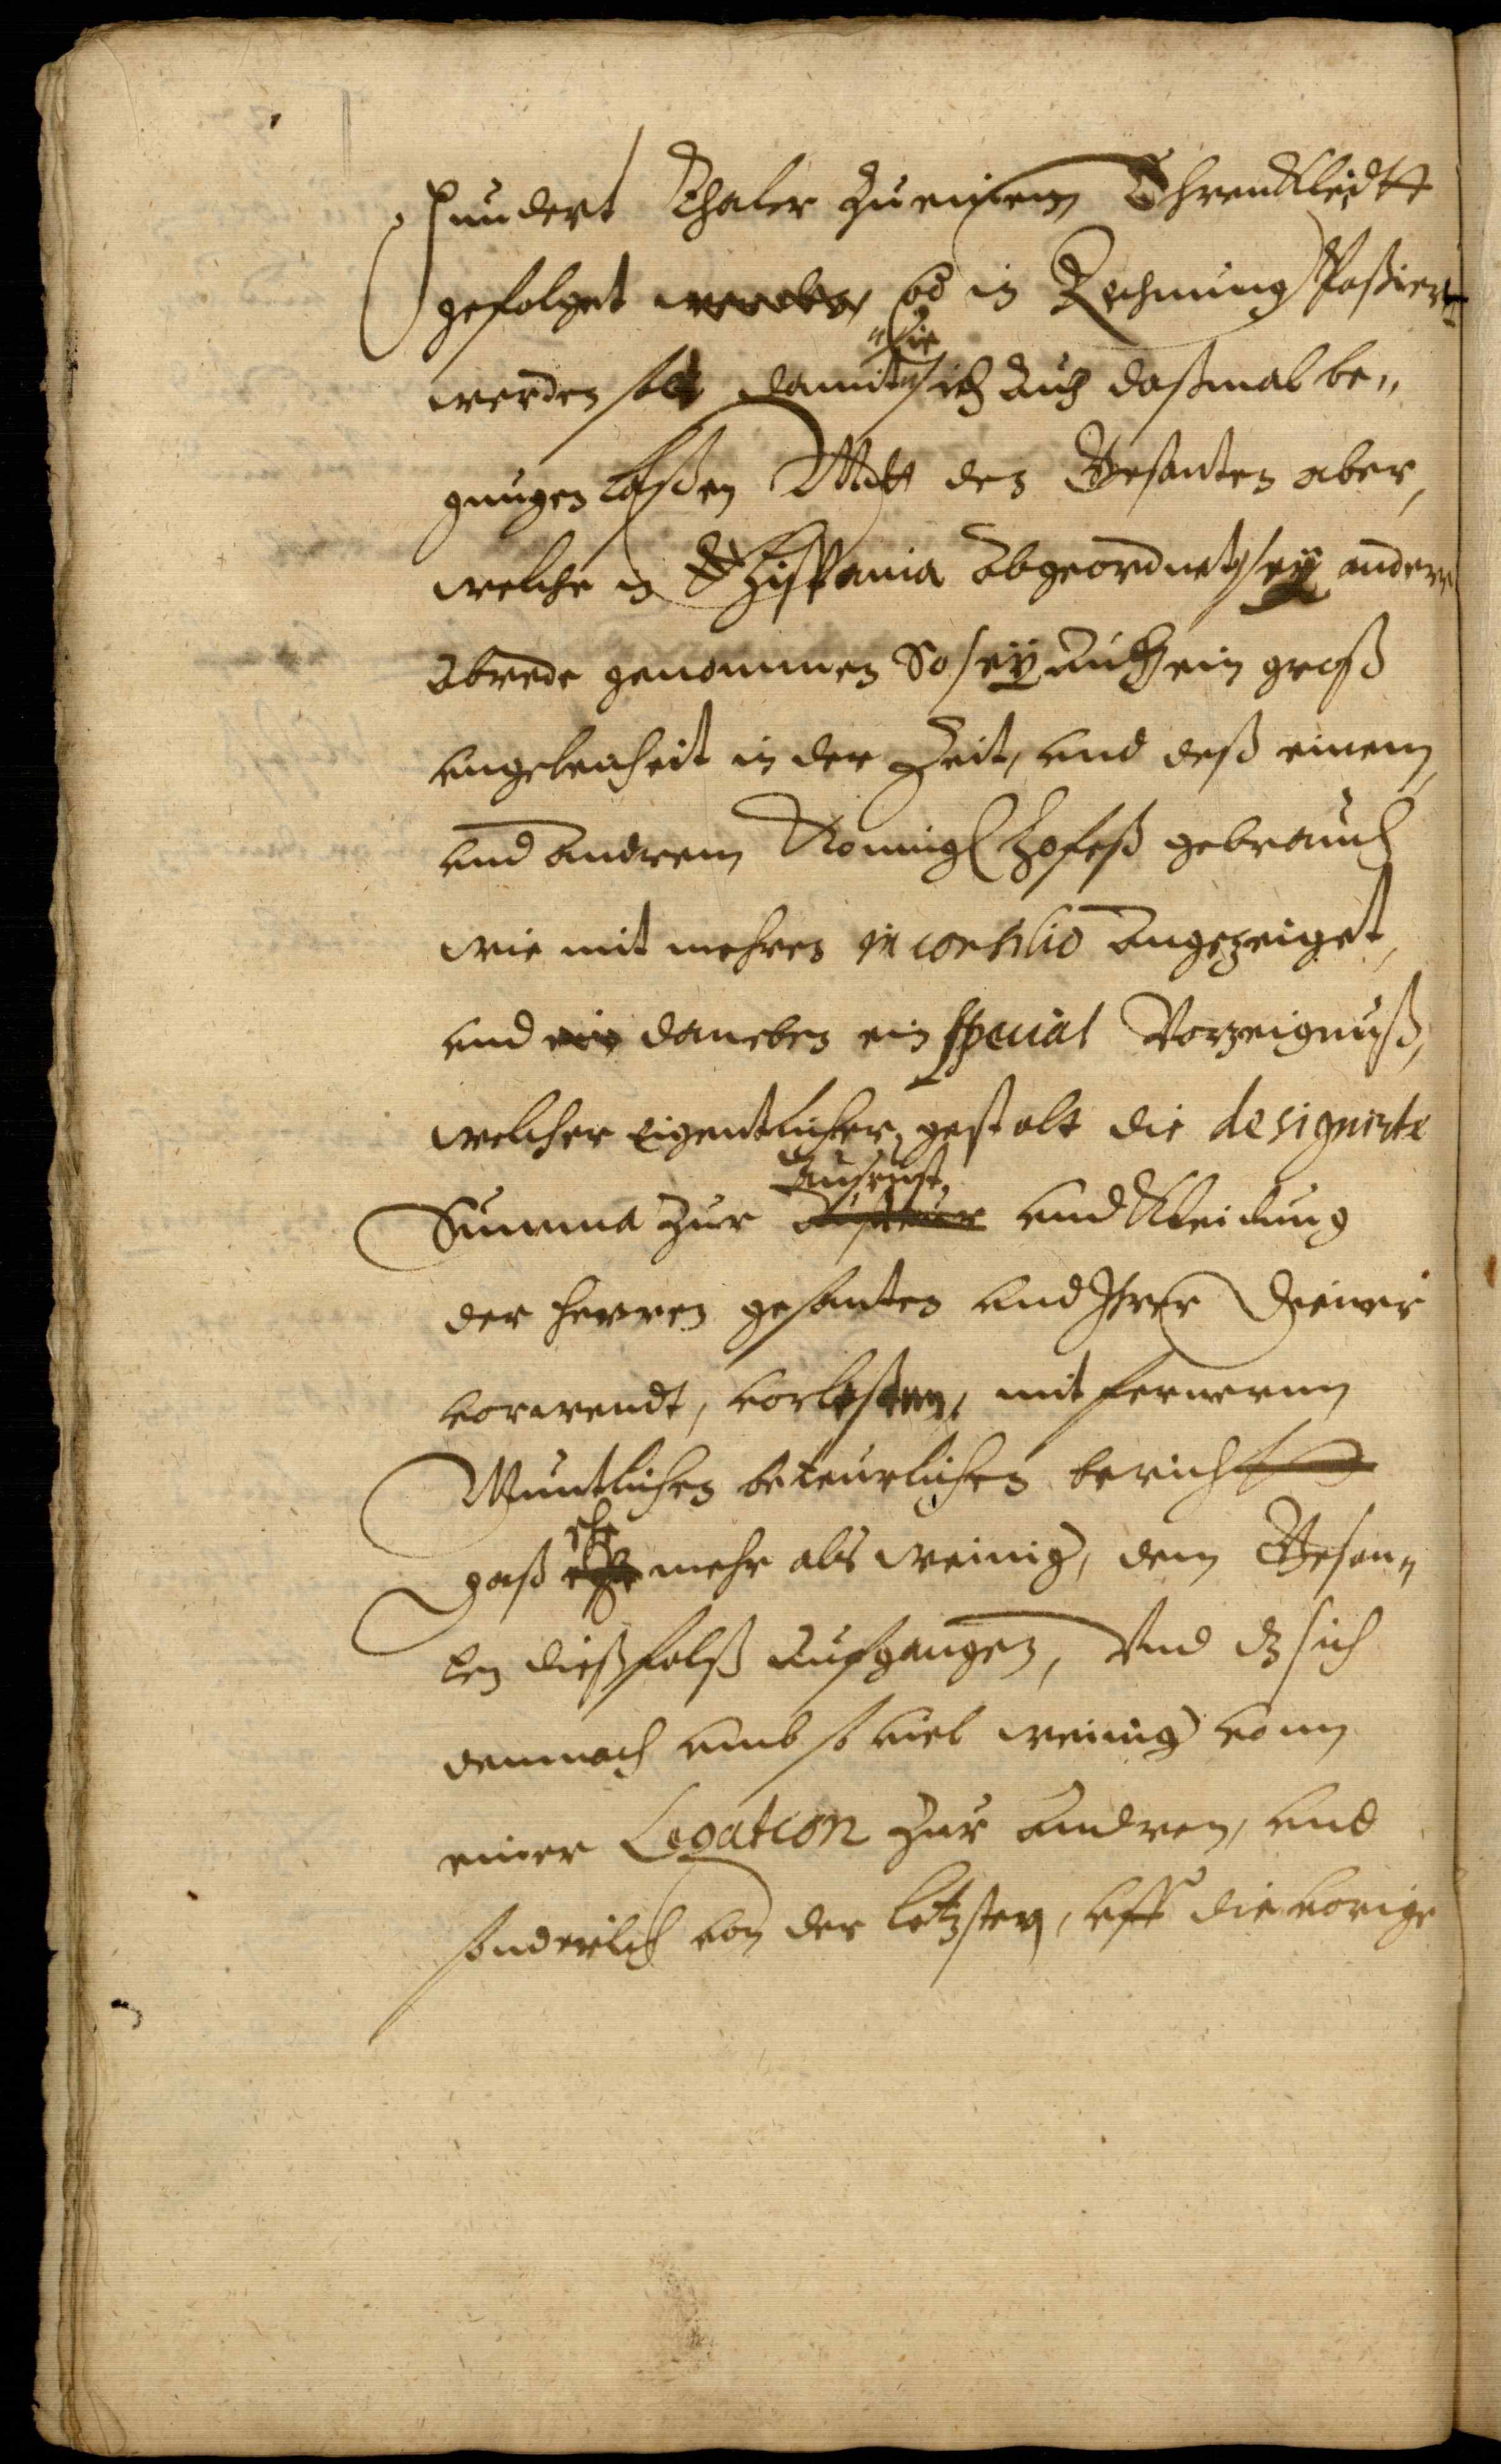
hundert Thaler zu einem Ehrenkleidtt
gefolget werde oder in Rechnung Paßiert
werden soll damit sie sich Auch daßmal be¬
gnugen laßen Mitt den Gesanten aber,
welche in Hispania Abgeordnet seij andere
Abrede genommen So seij Auch ein groß
vngeleicheit in der Zeit, vnd deß einem,
vnd Anderem Konnigl Hofes gebrauch
wie mit mehren in consilio Angezeiget,
vnd wie daneben ein special Vorzeignuß,
welcher eigentlicher gestalt die designirte
Summa zur Austur Ausrust vnd Kleidung
der herren gesanten vnd Ihrer Diener
vorwendt, vorlasten, mit fernerem
Muntlichen beteurlichen berichtt
daß ehr mehr als weiniger, denn Gesan¬
ten dießfalß Aufgangen, Vnd das sich
demnach vmb so viel weiniger vonn
einer Location zur Andren, vnd
sonderlich von der letzsten, vff die vorige
